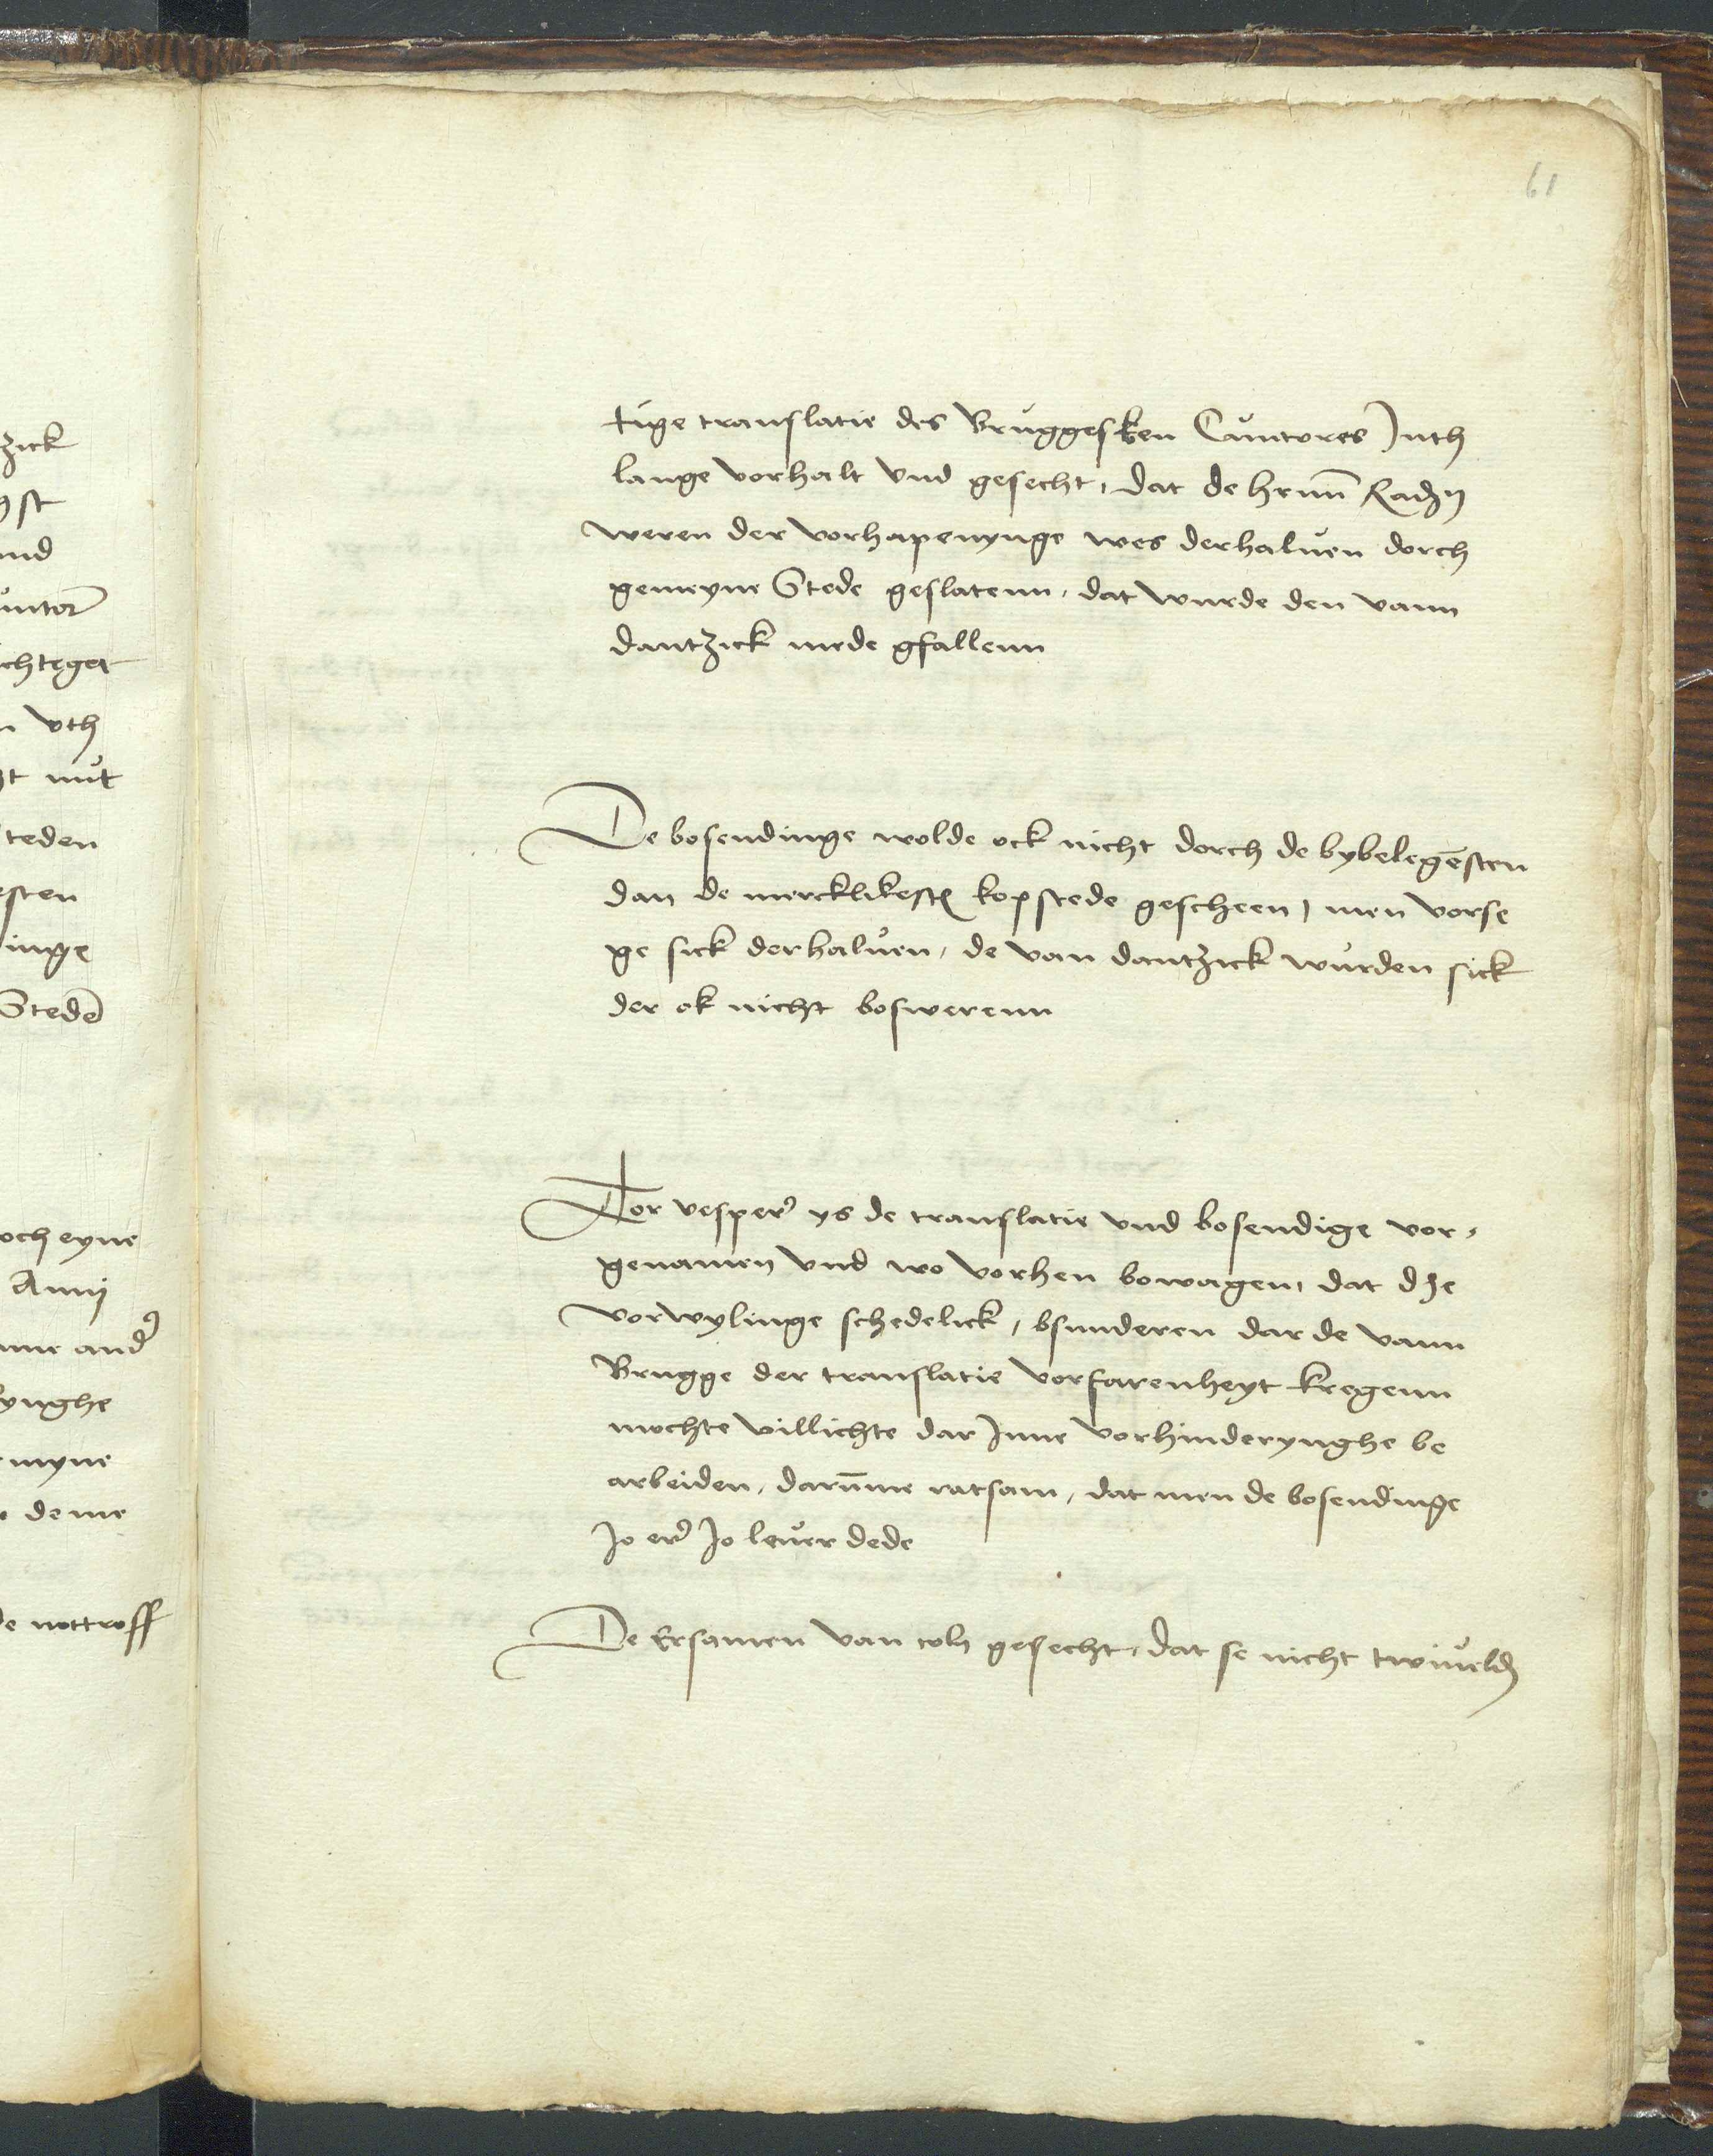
tige translatie des Bruggeschen Cuntores Jnth
lange vorhalt vnd gesecht, dat de hernn Radessendenbaden
weren der vorhapenynge wes derhaluen dorch
gemeyne Stede geslatenn, dat wurde den vann
dantzig mede gfallenn
De bosendinge wolde ock nicht dorch de bybelegensten
dan de mercklikesten kopstede gescheen, men vorse¬
ge sick derhaluen, de van dantzick wurden sick
der ok nicht boswerenn
Tor vesper ys de translatie vnd bosendige vor¬
genamen vnd wo vorhen bowagen, dat dhe
vorwylinge schedelick, bsunderen dar de vann
Brugge der translatie vorfarenheyt kregenn
mochte villichte dar Jnne vorhinderynghe be¬
arbeiden, darumme ratsam, dat men de bosendinge
Jo ere Jo leuer dede
De Ersamen van coln gesecht, dat se nicht twiuelden
